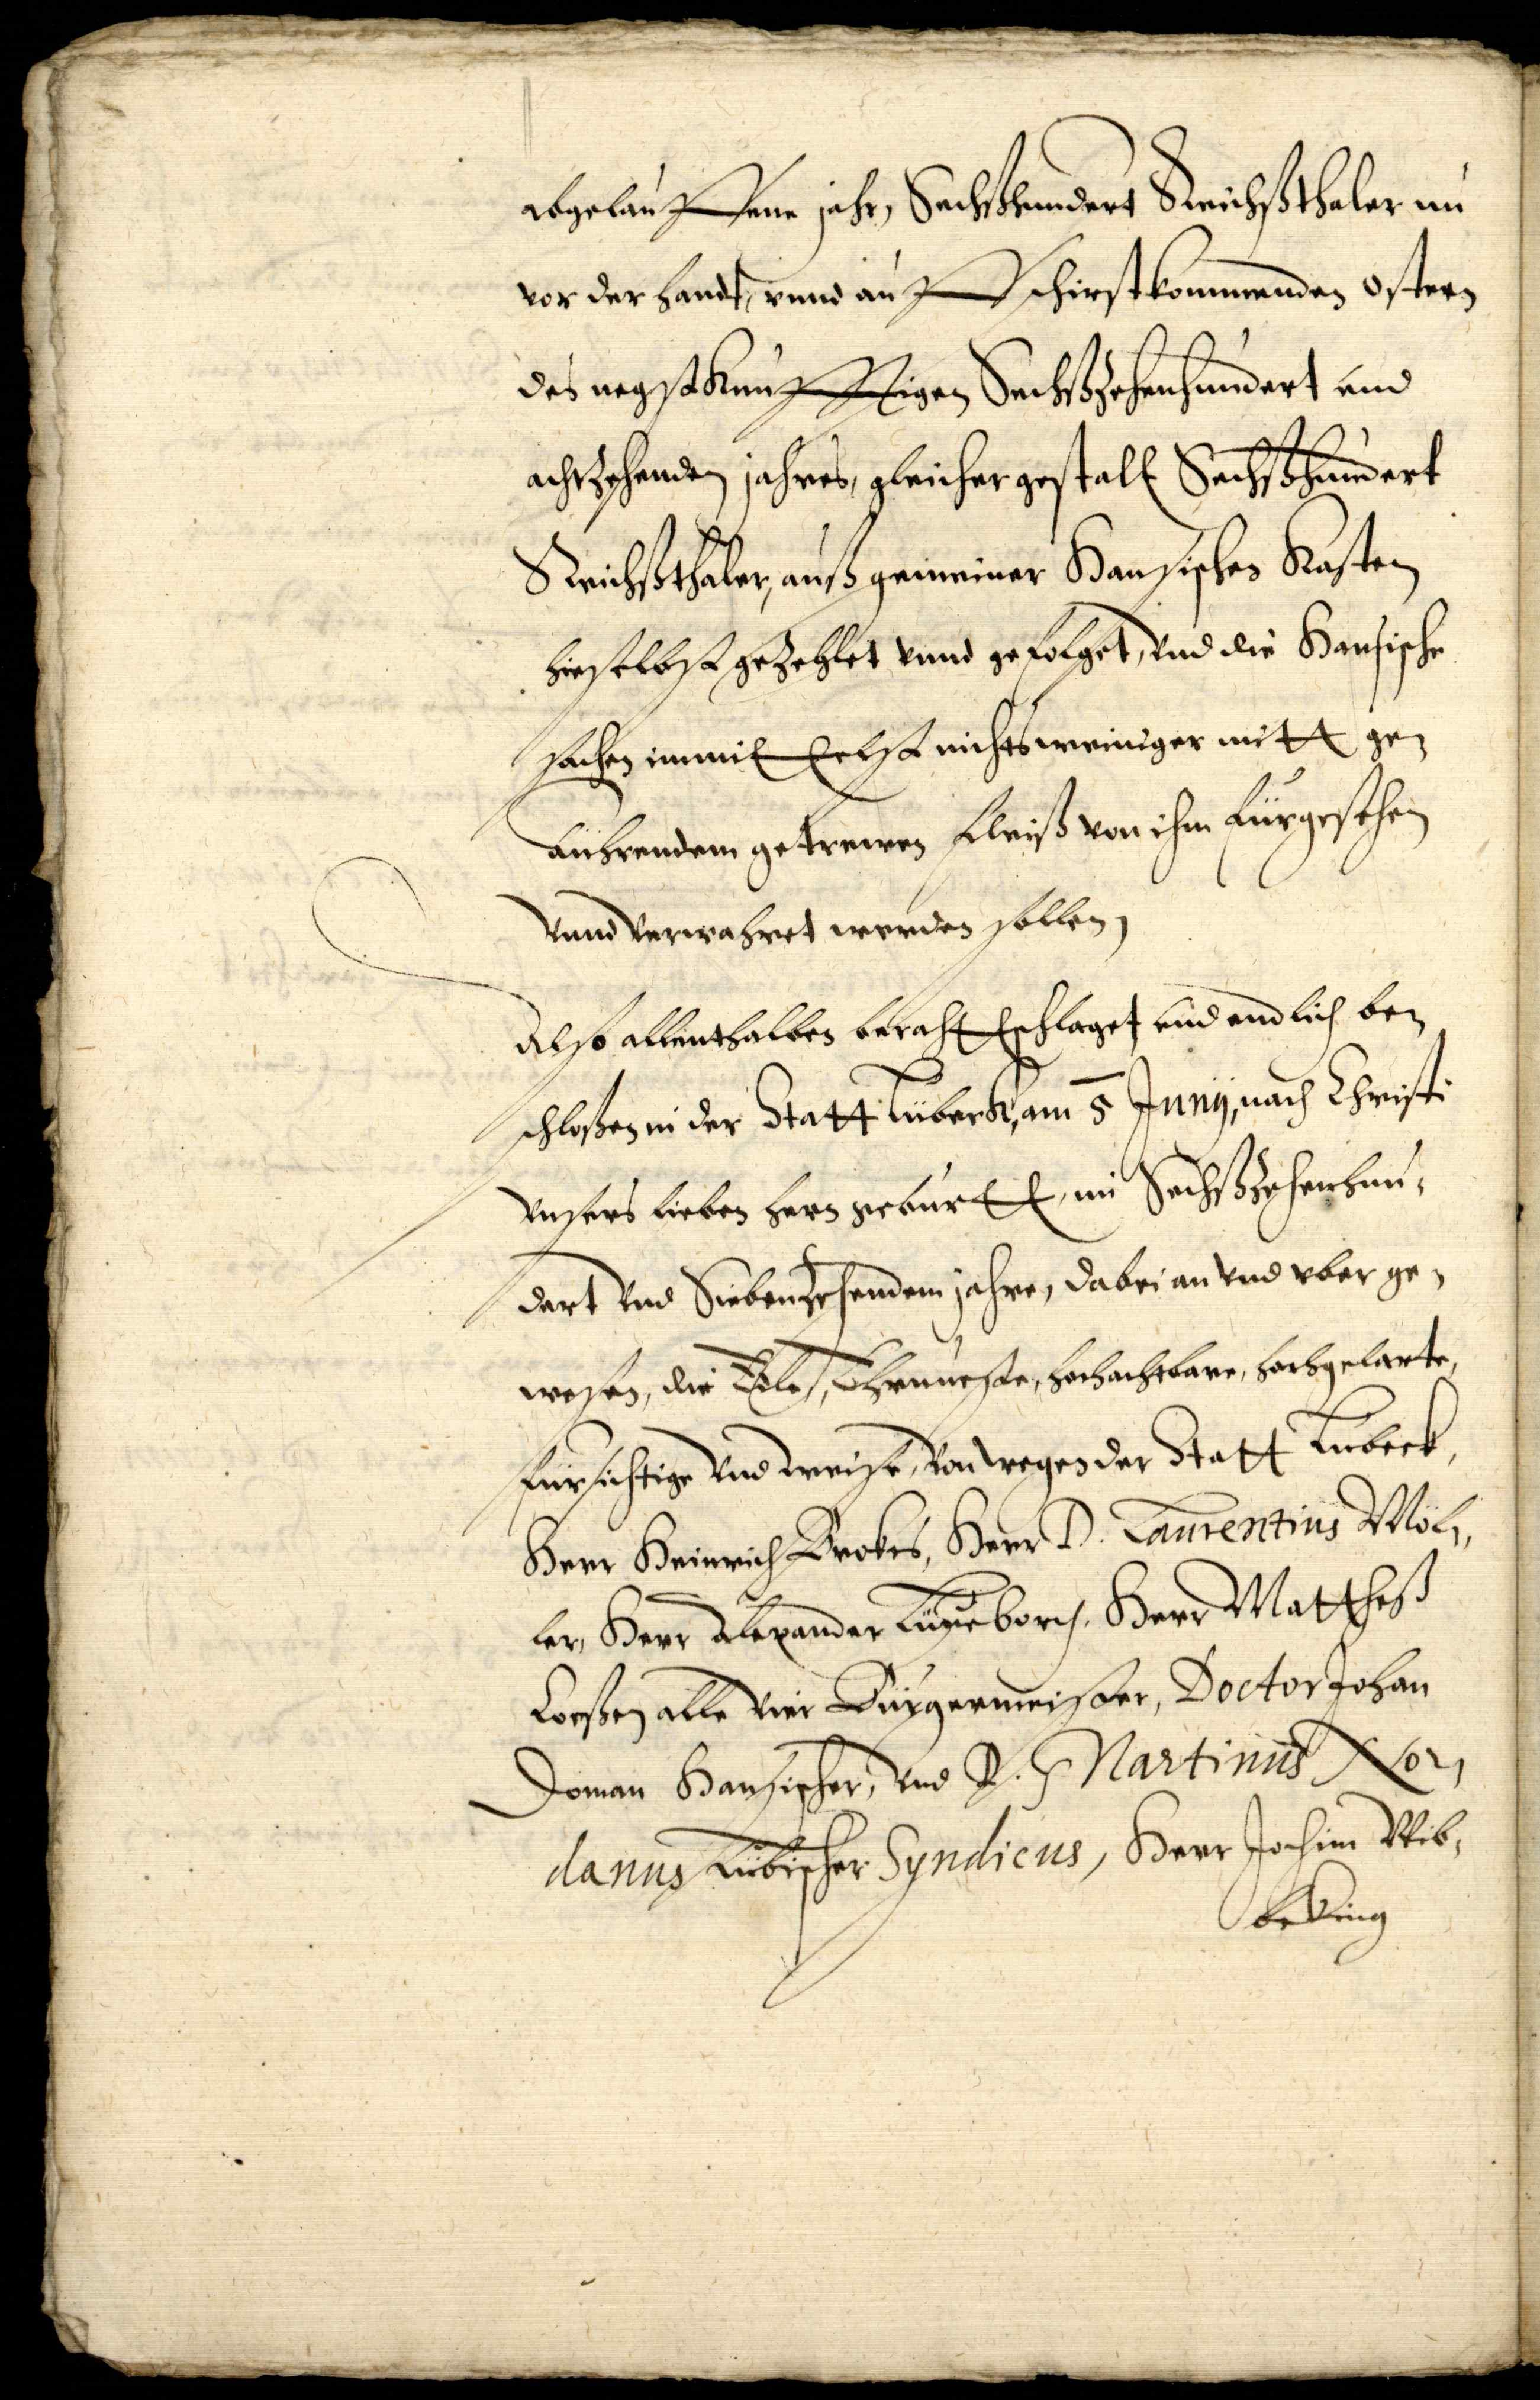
abgelauffene jahr, Sechshundert Reichßthaler nu
vor der handt, vnnd auf schirst kommenden ostern
des negst künfftigen Sechßzehnhundert und
achtzehenden jahres, gleicher gestalt Sechßhundert
Reichßthaler, auß gemeinen Hansischen Kasten
hirstelbst gezehlet vnnd gefolget, vnd die Hansische
sachen immittelst nichts weiniger mitt ge¬
bührendem getrewen fleiß von ihm fürgestehen
vnnd vorrwahret werden sollen,
Alßo allenthalben berahttschlaget vnd endlich be¬
schloßen in der Statt Lübeck, am 5 Junij, nach Christi
vnsers lieben hern geburtt, im Sechßzehnhun¬
dert vnd Siebenzehendem jahre, dabei an vnd vber ge¬
wesen, die Erb. Ehrnueste hochachtbare, hochgelarte,
fürsichtige vnd weise, von wegen der Statt Lubeck,
Herr Heinrich Brokes, Herr D. Laurentius Möl¬
ler, Herr alexander Lüneborch, Herr Mattheß
Coeßen alle vier Bürgermeister, Doctor Johan
Doman Hansischer, vnd R. Martinus Nor¬
danus Lübischer Syndicus, Herr Jochim Wib¬
beking
